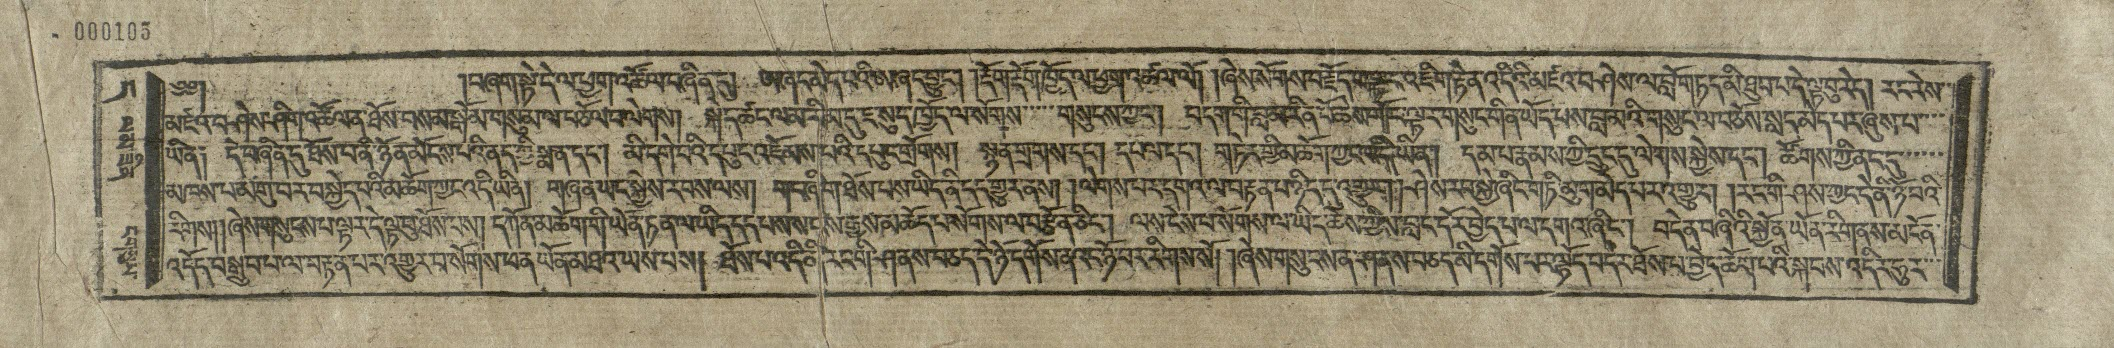༄༅། །བཞག་སྟེ་དེ་ལ་ཕྱག་འཚོལ་བཞིན་དུ། ཨ་ཞང་མེད་པའི་ཨ་ཞང་བྱུང་། །རྡོག་རྡོག་ཁྱོད་ལ་ཕྱག་འཚལ་ལོ། །ཞེས་སོགས་བརྗོད་པ་ལྟར་འཇིག་རྟེན་འདིའི་མཛའ་བཤེས་ལ་བློ་གཏད་མི་ཐུབ་པ་དེ་ལྟ་བུ་རེད། རང་རེས་
མཛའ་བཤེས་ཤིག་འཚོལ་ན་ཐོས་བསམ་སྒོམ་གསུམ་ལ་བཅོལ་བ་ལེགས། སྐྱེད་ཚང་ལམ་རིམ་དུ་ཇ་སུད་ཁྱོད་ལ་སོགས་གསུངས་ཀྱང་། བདག་གི་བླ་མ་རིན་པོ་ཆེས་གོང་ལྟར་གསུང་གི་ན་ཡོད་པས་བླ་མའི་གསུང་ལ་བཅོས་སླད་མེད་པར་ཞུས་པ་
ཡིན༑ དེ་བཞིན་དུ་ཐོས་པ་ནི་ཉོན་མོངས་པའི་ནད་ཀྱི་སྨན་དང་། མི་དགེ་བའི་དཔུང་འཇོམས་པའི་དཔུང་གྲོགས། སྙན་གྲགས་དང་། དཔལ་དང་། གཏེར་གྱི་མཆོག་ཀྱང་འདི་ཡིན། དམ་པ་རྣམས་ཀྱི་དྲུང་དུ་ལེགས་སྐྱེས་དང་། ཚོགས་ཀྱི་ནང་དུ་
མཁས་པ་མགུ་བར་བསྐྱེད་པའི་མཆོག་ཀྱང་འདི་ཡིན། གཞན་ཡང་སྐྱེས་རབས་ལས། གང་ཞིག་ཐོས་པས་ཡིད་ནི་དད་གྱུར་ནས། །ལེགས་པར་དགའ་ལ་བརྟན་པ་ཉིད་དུ་འགྱུར། །ཤེས་རབ་སྐྱེ་ཞིང་གཏི་མུག་མེད་པར་འགྱུར། །རང་གི་ཤས་ཀྱང་དེ་ནི་ཉོ་བའི་
རིགས། །ཞེས་གསུངས་པ་ལྟར་དེ་ལྟ་བུ་ཐོས་པས། དཀོན་མཆོག་གི་ཡོན་ཏན་ལ་ཡིད་དད་པས་སངས་རྒྱས་མཆོད་པ་སོགས་ལ་བརྩོན་ཅིང་། ལས་ངེས་པ་སོགས་ལ་ཡིད་ཆེས་ཀྱིས་བླང་དོར་བྱེད་པ་ལ་དགའ་ཞིང་། བདེན་བཞིའི་སྐྱོན་ཡོན་རིག་ནས་མངོན་
འདོད་བསྒྲུབ་པ་ལ་བརྟན་པར་འགྱུར་བ་སོགས་ཕན་ཡོན་མཐའ་ཡས་པས། ཐོས་པ་འདི་ནི་རང་གི་ཤ་ནས་བཅད་དེ་ཉོ་དགོས་ནའང་ཉོ་བར་རིགས་སོ། །ཞེས་གསུངས་ན་ཤ་ནས་བཅད་མི་དགོས་པར་ལྷོད་བདེར་ཐོས་པ་བྱེད་ཆོག་པའི་སྐབས་འདིར་ཧུར་